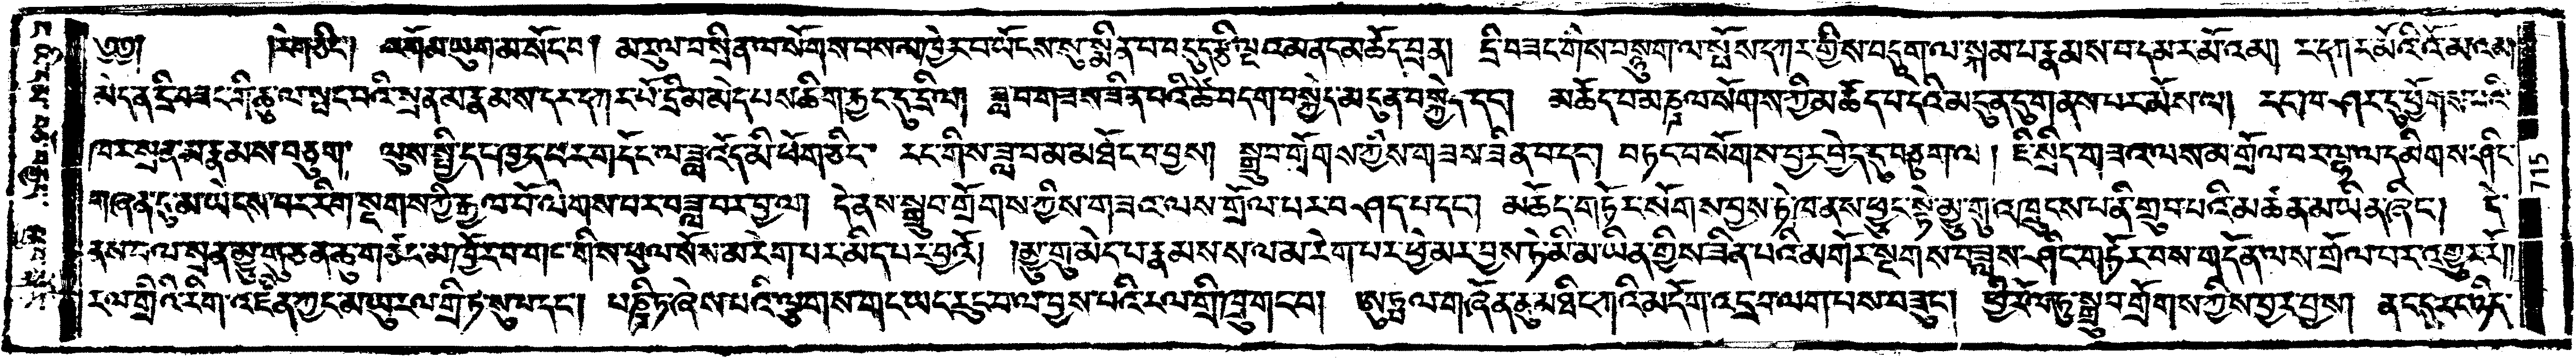༄༅། །རེག་ཅིང་། འགོམ་ཡུག་མ་སོང་བ། མ་རུལ་བ་སྲིན་ལ་སོགས་པས་མཁྱེར་བ་ཡོངས་སུ་སྨིན་པ་བདུད་རྩི་ལྔའམ་ནང་མཆོད་བྲན། དྲི་བཟང་གིས་བསྙུག་ལ་སྤོས་དཀར་གྱིས་བདུག་ལ་སྐམ་པ་རྣམས་བ་དམར་མོ་འམ། ར་དཀར་མོའི་འོ་མ་འམ་
མེད་ན་དྲི་བཟང་གི་ཆུ་ལ་སྦང་བའི་སྲན་མ་རྣམས་དར་དཀར་པོ་དྲི་མ་མེད་པས་ཆིག་རྐྱང་དུ་དྲིལ། ཟླ་བ་གཟས་ཟིན་པའི་ཆོ་བདག་བསྐྱེད་མདུན་བསྐྱེད་དང་། མཆོད་པ་མཎྜལ་སོགས་ཀྱི་མཆོད་པ་དེའི་མདུན་དུ་གནས་པར་མོས་ལ། རང་ཁ་ཤར་དུ་ཕྱོགས་པའི་
ཁར་སྲན་མ་རྣམས་བཅུག། ལུས་སྤྱི་དང་ཁྱད་པར་གདོང་ལ་ཟླ་འོད་མི་ཕོག་ཅིང་། རང་གིས་ཟླ་བ་མ་མཐོང་བ་བྱས། སྒྲུབ་གོགས་ཀྱིས་གཟས་ཟིན་པ་དང་། བཏང་བ་སོགས་བྱར་བྱེད་དུ་གཅུག་ལ། ཇི་སྲིད་གཟའ་ལས་མ་གྲོལ་བར་ལྷ་ལ་དམིགས་ཤིང་
གཞན་དུ་མ་ཡེངས་པར་རིག་སྔགས་ཀྱི་རྒྱལ་པོ་ལེགས་པར་བཟླ་བར་བྱ་ལ། དེ་ནས་སྒྲུབ་གྲོགས་ཀྱིས་གཟའ་ལས་གྲོལ་པར་བཤད་པ་དང་། མཆོད་གཏོར་སོགས་བྱས་ཏེ་ཁ་ནས་ཕྱུང་སྟེ་མྱུ་གུ་འཁྲུངས་པ་ནི་གྲུབ་པའི་མཚན་མ་ཡིན་ཞིང་། དེ་
ནས་བལ་སྲན་མྱུ་གུ་ཅན་ཆུ་གཙང་མ་ཁྱོར་བ་གང་གིས་ཕུལ་སོས་མ་རེག་པར་མིད་པར་བྱའོ། །མྱུ་གུ་མེད་པ་རྣམས་ལ་མ་རེག་པར་ཕྱེ་མར་བྱས་ཏེ་མི་མ་ཡིན་གྱིས་ཟིན་པའི་མགོར་སྔགས་བཟླས་ཤིང་གཏོར་བས་གདོན་ལས་གྲོལ་པར་འགྱུར་རོ།།
རལ་གྲིའི་རིག་འཛིན་ཀྱང་མ་ཡུ་རལ་གྲི་ཏ་སུ་བ་དང་། པཎྜི་ཏ་ཞེས་པའི་ལྕགས་གང་ཡང་རུང་བ་ལ་བྱས་པའི་རལ་གྲི་ཁྲུ་གང་བ། ཨུཏྤལ་གཞོན་ནུ་མཐིང་ཀའི་མདོག་འདྲ་བ་ལག་པས་བཟུང་། ཕྱི་རོལ་ཏུ་སྒྲུབ་གྲོགས་ཀྱིས་བྱ་ར་བྱས། ནང་དུ་རང་ཉིད་